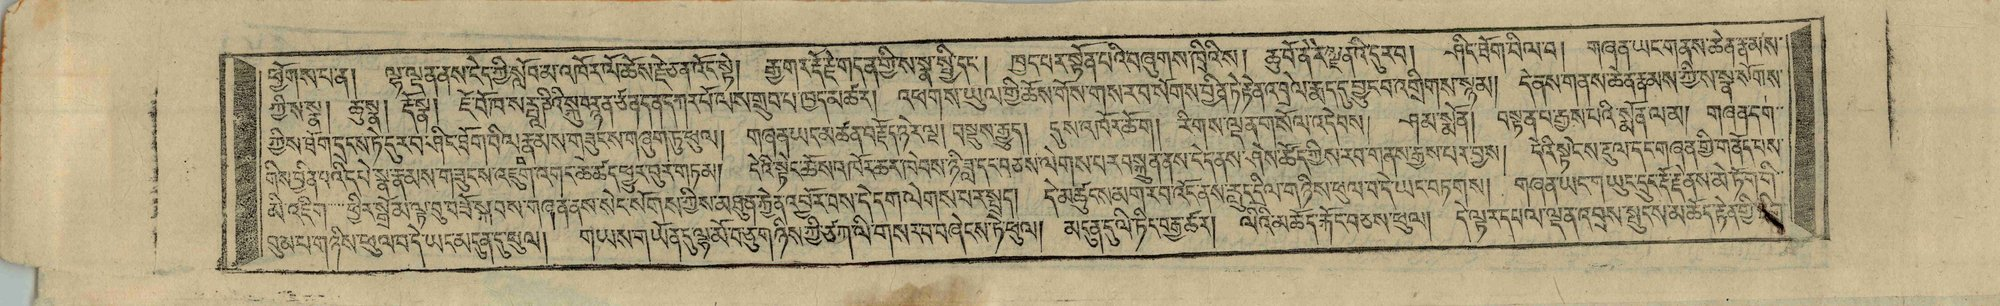ཕྱོགས་པ་ན། ལྷ་ལྡན་ནས་ངེད་ཀྱི་སློབ་མ་འཁོར་ལོ་ཆོས་རྗེ་ཅན་འོང་སྟེ། རྒྱ་གར་རྡོ་རྗེ་གདན་གྱི་ས་སྣ་སྤྱི་དང་། ཁྱད་པར་སྟོན་པའི་བཞུགས་ཁྲིའི་ས། ཆུ་བོ་ནེ་རེ་ཉྫ་ནའི་དུ་རབ། ཤིང་ཐོག་བིལ་བ། གཞན་ཡང་གནས་ཆེན་རྣམས་
ཀྱི་ས་སྣ། ཆུ་སྣ། རྡོ་སྣ། ཇོ་བོ་ཁ་སརྤཱ་ཎིའི་སྐུ་བརྙན་ཙན་དན་དཀར་པོ་ལས་གྲུབ་པ་ཁྱད་མཚར། འཕགས་ཡུལ་གྱི་ཆོས་གོས་གསར་བ་སོགས་བྱིན་ཏེ་རྟེན་འབྲེལ་རྨད་དུ་བྱུང་བ་འགྲིགས་སྙམ། དེ་ནས་གནས་ཆེན་རྣམས་ཀྱི་ས་སྣ་སོགས་
ཀྱིས་ཐོག་དྲངས་ཏེ་དུར་བ་ཤིང་ཐོག་བིལ་བ་རྣམས་གཟུངས་གཞུག་ཏུ་ཕུལ། གཞན་ཡང་མཚན་བརྗོད་ཉེར་ལྔ། བསྡུས་རྒྱུད། དུས་འཁོར་ཆོག །རིགས་ལྡན་གསོལ་འདེབས། ཤམ་སྨོན། བསྟན་པ་རྒྱས་པའི་སྨོན་ལམ། གཞན་དག་
གིས་བྱིན་པའི་དཔེ་སྣ་རྣམས་གཟུངས་འཇུག་འགང་ཆེ་ཚད་ཕྱུར་བུར་གཏམ། དེའི་སྟེང་ཆོས་འཁོར་ཆར་ཁེབས་ཉི་ཟླ་དང་བཅས་ལེགས་པར་བསྐྲུན་ནས་ངེད་ནས་ཤེས་ཚོད་ཀྱིས་རབ་གནས་རྒྱས་པར་བྱས། དེའི་སྟེངས་རྡུལ་དང་གཞན་གྱི་གནོད་པས་
མི་འཇིག་ཕྱིར་སྒྲོམ་ལྟ་བུ་བཟོ་སྐབས་གཞན་ནས་སེང་སོགས་ཀྱིས་མཐུན་རྐྱེན་འབྱོར་བས་དེ་དག་ལེགས་པར་སྤྲད། དེ་མཚུངས་མགར་བ་འོད་ནས་རླུང་དྲིལ་གཉིས་ཕུལ་བ་དེ་ཡང་བཏགས། གཞན་ཡང་གཡུང་དྲུང་རྡོ་རྗེ་ནས་མེ་ཏོག་གི་
བུམ་པ་གཉིས་ཕུལ་བ་དེ་ཡང་མདུན་དུ་ཕུལ། གཡས་གཡོན་དུ་ལྷ་མོ་བཅུ་གཉིས་ཀྱི་ཙཀ་ལི་གསར་བ་བཞེངས་ཏེ་ཕུལ། མདུན་དུ་ལི་ཏིང་བརྒྱ་ཚར། ལིའི་མཆོད་རྐོང་བཅས་ཕུལ། དེ་ལྟར་དཔལ་ལྡན་འབྲས་སྤུངས་མཆོད་རྟེན་གྱི་ཐིག་